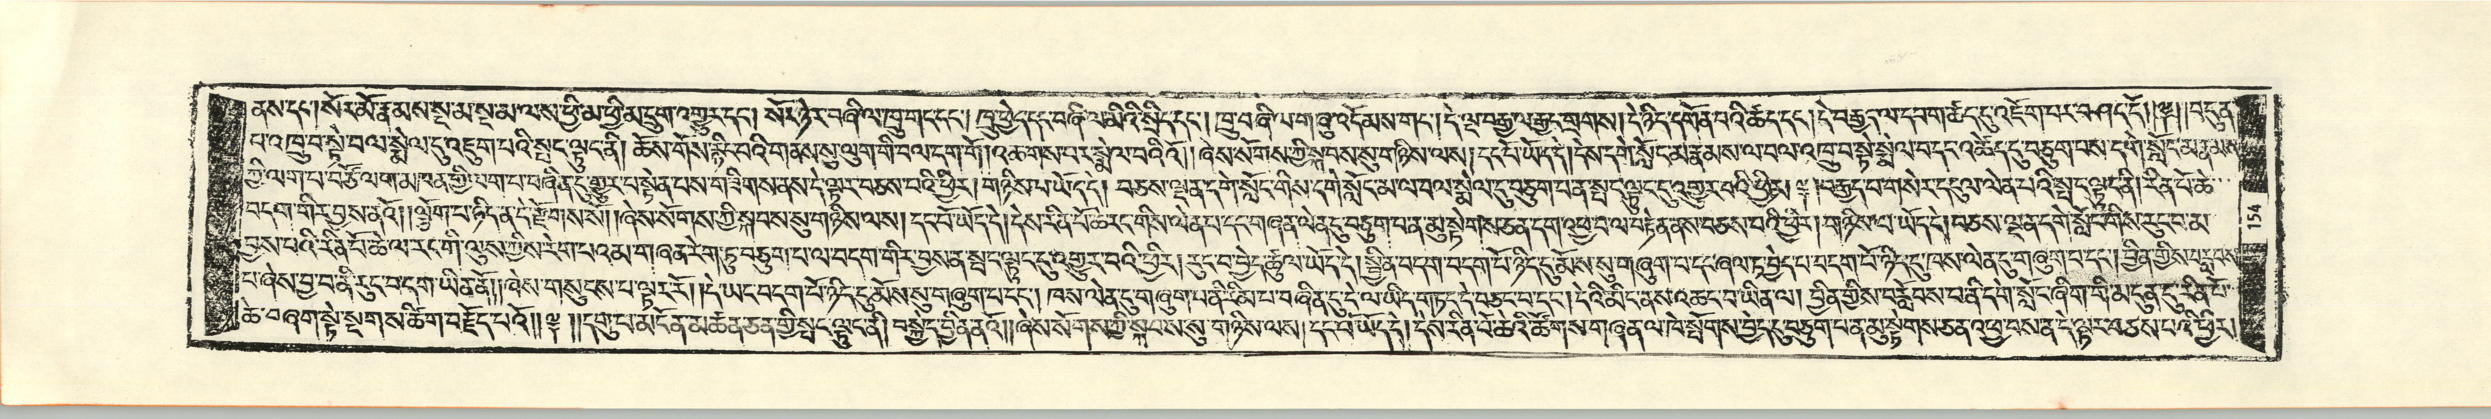ནས་དང་། སོར་མོ་རྣམས་སྔ་མ་སྔ་མ་ལས་ཕྱི་མ་ཕྱི་མ་དྲུག་འགྱུར་དང་། སོར་ཉེར་བཞི་ལ་ཁྲུ་གང་དང་། ཁྲུ་ཕྱེད་དང་བཞི་ལ་མིའི་སྲིད་དང་། ཁྲུ་བཞི་ལ་གཞུ་འདོམས་གང་། དེ་ལྔ་བརྒྱ་ལ་རྒྱང་གྲགས། དེ་ཉིད་དགོན་པའི་ཚད་དང་། དེ་བརྒྱད་ལ་དཔག་ཚད་དུ་འཇོག་པར་བཤད་དོ།། ༈ །།བདུན་
པ་འཁྲུ་བ་སྟེ་བལ་སྨེལ་དུ་འཇུག་པའི་སྤང་ལྟུང་ནི། ཆོས་གོས་རྙིང་པའི་གནས་སུ་ལུག་གི་བལ་དག་གོ །འཆགས་པར་སྨེལ་བའི་འོ། །ཞེས་སོགས་ཀྱི་སྐབས་སུ་གཉིས་ལས། དང་པོ་ཡོད་དེ། དེས་དགེ་སློང་མ་རྣམས་ལ་བལ་འཁྲུ་བ་སྟེ་སྨེལ་བ་དང་འཚེད་དུ་བཅུག་པས་དགེ་སློང་མ་རྣམས་
ཀྱི་ལག་པ་བཙོ་ལག་མཁན་གྱི་པག་པ་བཞིན་དུ་གྱུར་པ་སྟེན་པས་གཟིགས་ནས་དེ་ལྟར་བཅས་པའི་ཕྱིར། གཉིས་པ་ཡོད་དེ། བཅས་ལྡན་དགེ་སློང་གིས་དགེ་སློང་མ་ལ་བལ་སྨེལ་དུ་བཅུག་པ་ན་སྤང་ལྟུང་དུ་འགྱུར་བའི་ཕྱིར། ༈ །བརྒྱད་པ་གསེར་དངུལ་ལེན་པའི་སྤང་ལྟུང་ནི། རིན་པོ་ཆེ་
བདག་གིར་བྱས་ནའོ། །ལྕོག་པ་ཉིད་ན་དེ་རྫོགས་སོ། །ཞེས་སོགས་ཀྱི་སྐབས་སུ་གཉིས་ལས། དང་པོ་ཡོད་དེ། དེས་རིན་པོ་ཆེ་རང་གིས་ལེན་པ་དང་གཞན་ལེན་དུ་བཅུག་པ་ན་མུ་སྟེགས་ཅན་དག་འཕྱ་བ་ལ་བརྟེན་ནས་བཅས་པའི་ཕྱིར། གཉིས་པ་ཡོད་དེ། བཅས་ལྡན་དགེ་སློང་གིས་རུང་བ་མ་
བྱས་པའི་རིན་པོ་ཆེ་ལ་རང་གི་ལུས་ཀྱིས་རེག་པའམ་གཞན་རེག་ཏུ་བཅུག་པ་ལ་བདག་གིར་བྱས་ན་སྤང་ལྟུང་དུ་འགྱུར་བའི་ཕྱིར། རུང་བ་བྱེད་ཚུལ་ཡོད་དེ། སྦྱིན་བདག་བདག་པོ་ཉིད་དུ་མོས་སུ་གཞུག་པ་དང་ཞལ་ཏ་བྱེད་པ་བདག་པོ་ཉིད་དུ་ཁས་ལེན་དུ་གཞུག་པ་དང་། བྱིན་གྱིས་བརླབས་
པ་ཞེས་བྱ་བ་ནི་རུང་བ་དག་ཡིན་ནོ། །ཞེས་གསུངས་པ་ལྟར་རོ། །དེ་ཡང་བདག་པོ་ཉིད་དུ་མོས་སུ་གཞུག་པ་དང་། ཁས་ལེན་དུ་གཞུག་པ་ནི་རིམ་པ་བཞིན་དུ་དེ་ལ་ཡིད་གཏད་དེ་བཅང་བ་དང་། དེའི་མིང་ནས་འཆང་བ་ཡིན་ལ། བྱིན་གྱིས་བརློབས་པ་ནི་དགེ་སློང་ཞིག་གི་མདུན་དུ་རིན་པོ་
ཆེ་བཞག་སྟེ་སྔགས་ཚིག་བརྗོད་པའོ།། ༈ །།དགུ་པ་མངོན་མཚན་ཅན་གྱི་སྤང་ལྟུང་ནི། བསྐྱེད་བྱིན་ནའོ། །ཞེས་སོགས་ཀྱི་སྐབས་སུ་གཉིས་ལས། དང་པོ་ཡོད་དེ། དེས་རིན་པོ་ཆེའི་ཚོགས་གཞན་ལ་ཁེ་སྤོགས་བྱེད་དུ་བཅུག་པ་ན་མུ་སྟེགས་ཅན་འཕྱ་བས་ན་དེ་ལྟར་བཅས་པའི་ཕྱིར།